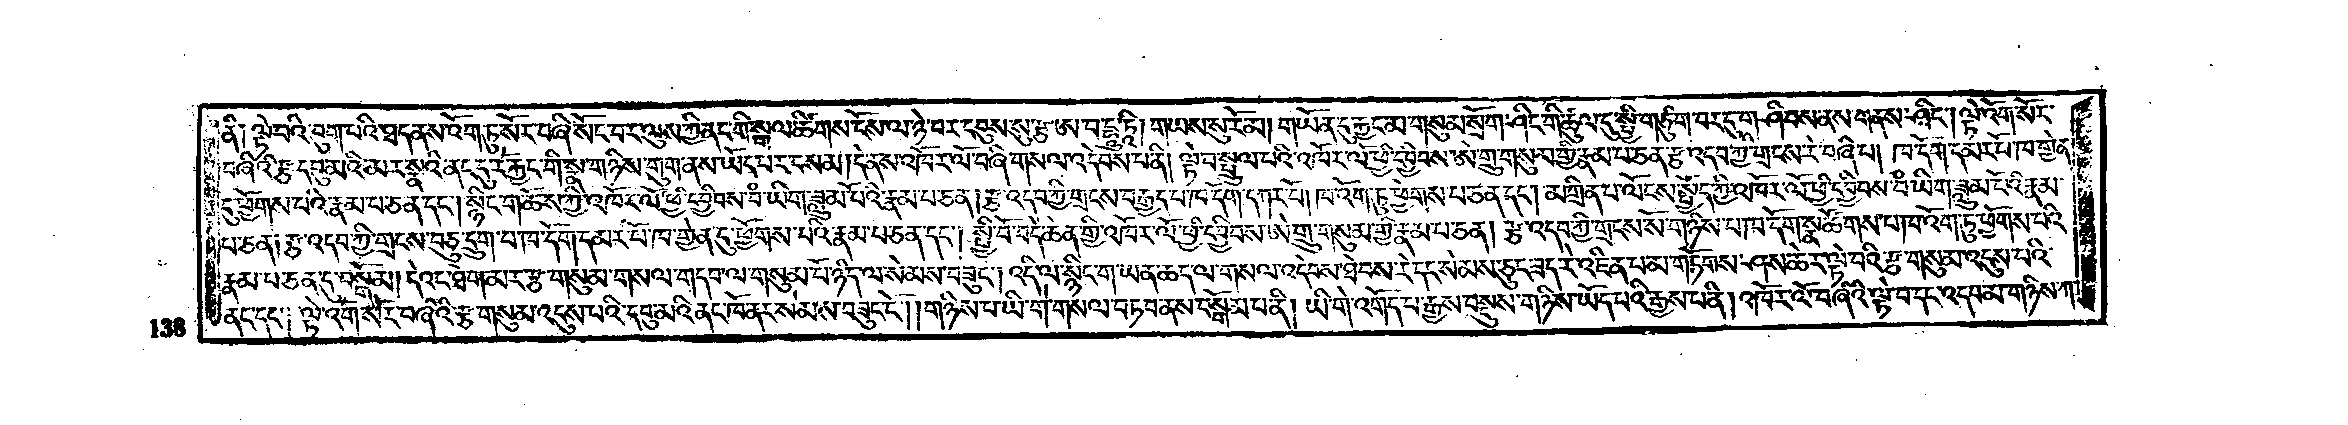ནི། ལྟེ་བའི་བུག་པའི་ཐད་ནས་འོག་ཏུ་སོར་བཞི་སོང་བར་ལུས་ཀྱི་ནང་གི་སྒལ་ཚིགས་ངོས་ལ་ཉེ་བར་དབུས་སུ་རྩ་ཨ་བ་དྷཱུ་ཏཱི། གཡས་སུ་རོ་མ། གཡོན་དུ་རྐྱང་མ་གསུམ་སྲོག་ཤིང་གི་ཚུལ་དུ་སྤྱི་གཙུག་བར་དུ་གཤིབས་ནས་གནས་ཤིང་། ལྟེ་འོག་སོར་
བཞིའི་རྩ་དབུ་མའི་མར་སྣའི་ནང་དུ་རོ་རྐྱང་གི་སྣ་གཉིས་གུག་ནས་ཡོད་པར་བསམ། དེ་ནས་འཁོར་ལོ་བཞི་གསལ་འདེབས་པ་ནི། ལྟེ་བ་སྤྲུལ་པའི་འཁོར་ལོ་ཕྱི་དབྱིབས་ཨེ་གྲུ་གསུམ་གྱི་རྣམ་པ་ཅན་རྩ་འདབ་ཀྱི་གྲངས་རེ་བཞི་པ། ཁ་དོག་དམར་པོ་ཁ་གྱེན་
དུ་ཕྱོགས་པའི་རྣམ་པ་ཅན་དང་། སྙིང་ག་ཆོས་ཀྱི་འཁོར་ལོ་ཕྱི་དབྱིབས་བཾ་ཡིག་ཟླུམ་པོའི་རྣམ་པ་ཅན། རྩ་འདབ་ཀྱི་གྲངས་བརྒྱད་པ་ཁ་དོག་དཀར་པོ། ཁ་འོག་ཏུ་ཕྱོགས་པ་ཅན་དང་། མགྲིན་པ་ལོངས་སྤྱོད་ཀྱི་འཁོར་ལོ་ཕྱི་དབྱིབས་བཾ་ཡིག་ཟླུམ་པོའི་རྣམ་
པ་ཅན། རྩ་འདབ་ཀྱི་གྲངས་བཅུ་དྲུག་པ་ཁ་དོག་དམར་པོ་ཁ་གྱེན་དུ་ཕྱོགས་པའི་རྣམ་པ་ཅན་དང་། སྤྱི་བོ་བདེ་ཆེན་གྱི་འཁོར་ལོ་ཕྱི་དབྱིབས་ཨེ་གྲུ་གསུམ་གྱི་རྣམ་པ་ཅན། རྩ་འདབ་ཀྱི་གྲངས་སོ་གཉིས་པ་ཁ་དོག་སྣ་ཚོགས་པ་ཁ་འོག་ཏུ་ཕྱོགས་པའི་
རྣམ་པ་ཅན་དུ་བསྒོམ། དེའང་ཐོག་མར་རྩ་གསུམ་གསལ་གདབ་ལ་གསུམ་པོ་ཉིད་ལ་སེམས་བཟུང་། འདི་ལ་སྙིང་ག་ཡན་ཆད་ལ་གསལ་འདེབས་ཐེབས་རེ་དང་སེམས་ཅུང་ཟད་རེ་འཛིན་པ་མ་གཏོགས་ཤས་ཆེར་ལྟེ་བའི་རྩ་གསུམ་འདུས་པའི་
ནང་དང་། ལྟེ་འོག་སོར་བཞིའི་རྩ་གསུམ་འདུས་པའི་དབུ་མའི་ནང་ཁོ་ནར་སེམས་བཟུང་ངོ། །གཉིས་པ་ཡི་གེ་གསལ་བཏབ་ནས་བསྒོམ་པ་ནི། ཡི་གེ་འགོད་པ་རྒྱས་བསྡུས་གཉིས་ཡོད་པའི་རྒྱས་པ་ནི། འཁོར་ལོ་བཞིའི་ལྟེ་བ་དང་འདབ་མ་གཉིས་ཀ་